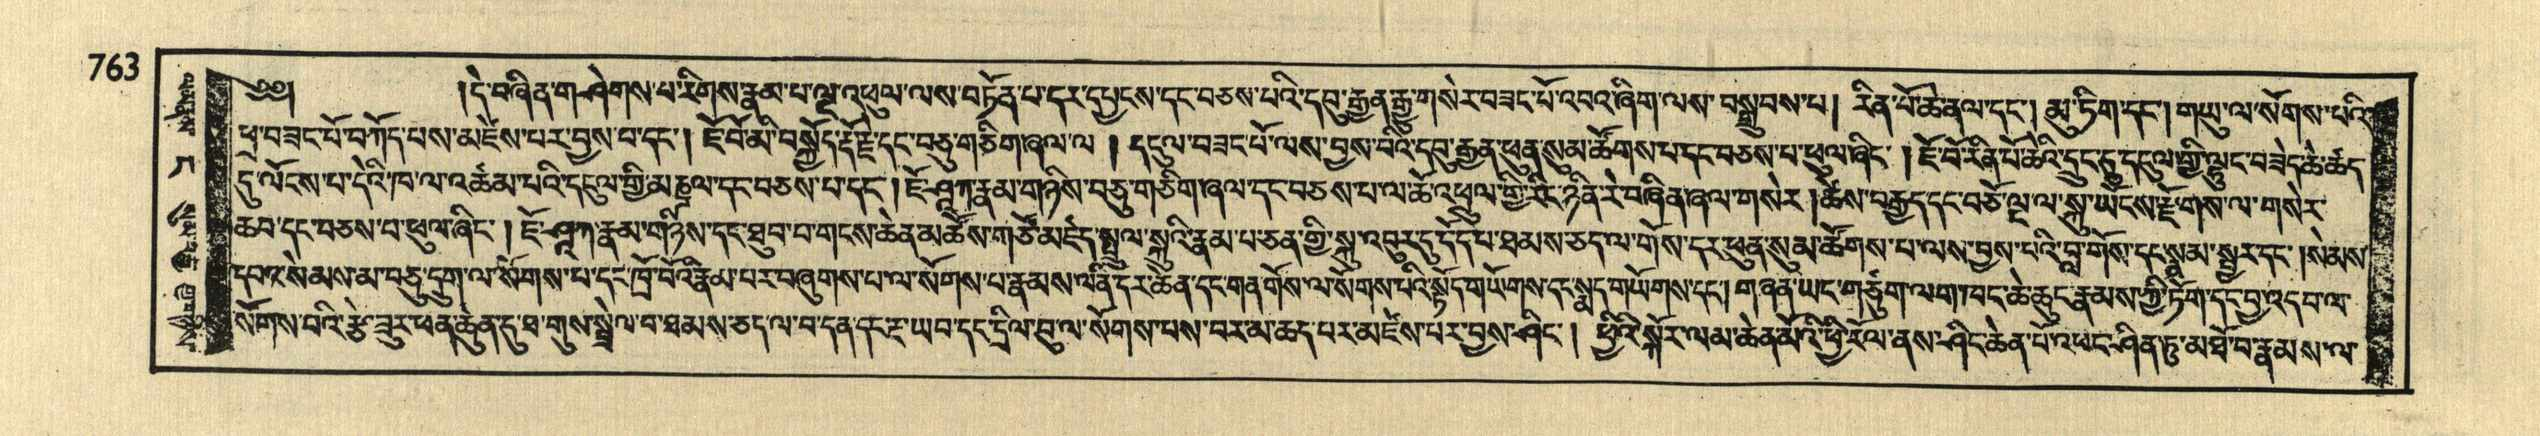༄༅། །དེ་བཞིན་གཤེགས་པ་རིགས་རྣམ་པ་ལྔ་འཕུལ་ལས་བཏོན་པ་དར་དཔྱངས་དང་བཅས་པའི་དབུ་རྒྱན་རྒྱུ་གསེར་བཟང་པོ་འབའ་ཞིག་ལས་བསྒྲུབས་པ། རིན་པོ་ཆེ་ནལ་དང་། མུ་ཏིག་དང་། གཡུ་ལ་སོགས་པའི་
ཕྲ་བཟང་པོ་བཀོད་པས་མཛེས་པར་བྱས་པ་དང་། ཇོ་བོ་མི་བསྐྱོད་རྡོ་རྗེ་དང་བཅུ་གཅིག་ཞལ་ལ་།དངུལ་བཟང་པོ་ལས་བྱས་པའི་དབུ་རྒྱན་ཕུན་སུམ་ཚོགས་པ་དང་བཅས་པ་ཕུལ་ཞིང་།ཇོ་བོ་རིན་པོ་ཆེའི་དྲུང་དུ་དངུལ་གྱི་ལྷུང་བཟེད་ཆེ་ཚད་
དུ་ལོངས་པ་དེའི་ཁ་ལ་འཚམ་པའི་དངུལ་གྱི་མཎྜལ་དང་བཅས་པ་དང་། ཇོ་ཤཱཀ་རྣམ་གཉིས་བཅུ་གཅིག་ཞལ་དང་བཅས་པ་ལ་ཆོ་འཕྲུལ་གྱི་རིང་ཉིན་རེ་བཞིན་ཞལ་གསེར། ཚེས་བརྒྱད་དང་བཅོ་ལྔ་ལ་སྐུ་ཡོངས་རྫོགས་ལ་གསེར་
ཆབ་དང་བཅས་བ་ཕུལ་ཞིང་།ཇོ་ཤཱཀ་རྣམ་གཉིས་དང་ཐུབ་པ་གངས་ཆེན་མཚོས་གཙོ་མཛད་སྤྲུལ་སྐུའི་རྣམ་པ་ཅན་གྱི་སྐུ་འབུར་དུ་དོད་པ་ཐམས་ཅད་ལ་གོས་དར་ཕུན་སུམ་ཚོགས་པ་ལས་བྱས་པའི་བླ་གོས་དང་སྣམ་སྦྱར་དང་།སེམས་
དཔའ་སེམས་མ་བཅུ་དྲུག་ལ་སོགས་པ་དང་ཁྲོ་བོའི་རྣམ་པར་བཞུགས་པ་ལ་སོགས་པ་རྣམས་ལ་ནི་དར་ཆེན་དང་གན་གོས་ལ་སོགས་པའི་སྟོད་གཡོགས་དང་སྨད་གཡོགས་དང་། གཞན་ཡང་གཙུག་ལག་ཁང་ཆེ་ཆུང་རྣམས་ཀྱི་ཏོག་དང་བྱ་འདབ་ལ་
སོགས་བའི་རྩེ་ཟུར་ཕན་ཚུན་དུ་ཐ་གུས་སྤྲེལ་བ་ཐམས་ཅད་ལ་བ་དན་དང་རྔ་ཡབ་དང་དྲིལ་བུ་ལ་སོགས་པས་བར་མ་ཆད་པར་མཛེས་པར་བྱས་ཤིང་། ཕྱིའི་སྐོར་ལམ་ཆེན་མོའི་ཕྱི་རོལ་ནས་ཤིང་ཆེན་པོ་འཕང་ཤིན་ཏུ་མཐོ་བ་རྣམས་ལ་